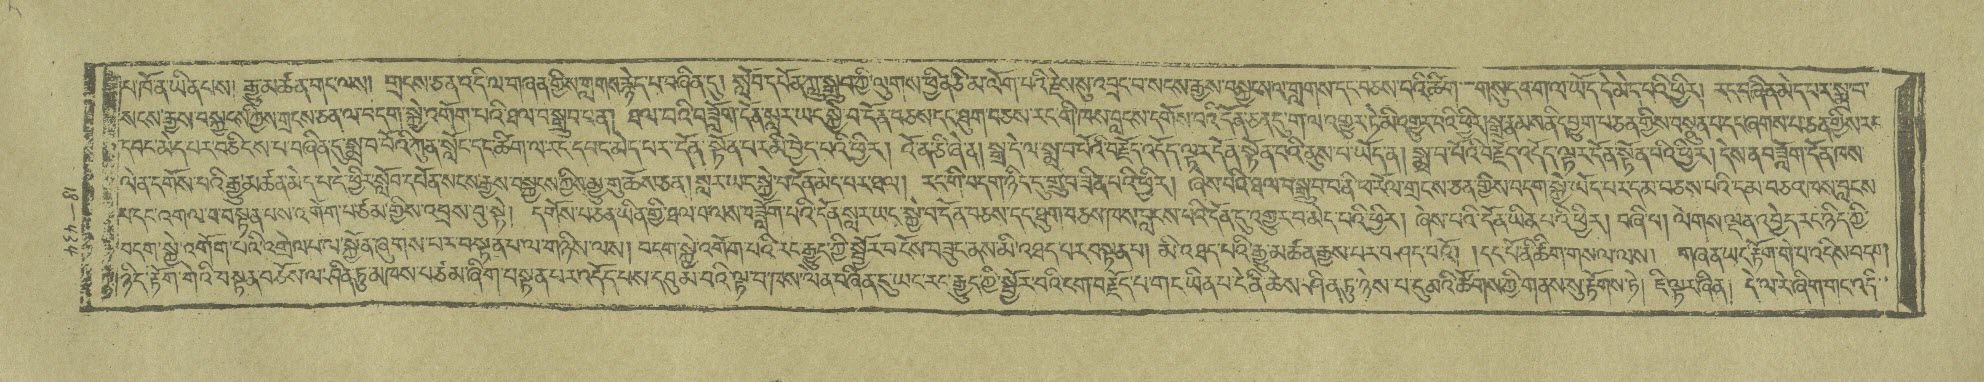པ་ཁོ་ན་ཡིན་པས། རྒྱུ་མཚན་གང་ལས། གྲངས་ཅན་འདི་ལ་གཞན་གྱིས་གླགས་རྙེད་པ་བཞིན་དུ། སློབ་དཔོན་ཀླུ་སྒྲུབ་ཀྱི་ལུགས་ཕྱིན་ཅི་མ་ལོག་པའི་རྗེས་སུ་འབྲང་བ་སངས་རྒྱས་བསྐྱངས་ལ་གླགས་དང་བཅས་པའི་ཚིག་གསུང་བ་ག་ལ་ཡོད་དེ་མེད་པའི་ཕྱིར། རང་བཞིན་མེད་པར་སྨྲ་བ་
སངས་རྒྱས་བསྐྱངས་ཀྱིས་གྲངས་ཅན་ལ་བདག་སྐྱེ་འགོག་པའི་ཐལ་བ་སྒྲུབ་པ་ན། ཐལ་བའི་བཟློག་དོན་སླར་ཡང་སྐྱེ་བ་དོན་བཅས་དང་ཐུག་བཅས་རང་གི་ཁས་བླངས་དགོས་པའི་དོན་ཅན་དུ་ག་ལ་འགྱུར་ཏེ་མི་འགྱུར་པའི་ཕྱིར། སྒྲ་རྣམས་ནི་དབྱུག་པ་ཅན་གྱིས་བསྣུན་པ་དང་ཞགས་པ་ཅན་གྱིས་རང་
དབང་མེད་པར་བཅིངས་པ་བཞིན་དུ་སྨྲ་བ་པོའི་ཀུན་སློང་དང་ཚིག་ལ་རང་དབང་མེད་པར་དོན་སྟོན་པར་མི་བྱེད་པའི་ཕྱིར། འོ་ན་ཅི་ཞེ་ན། སྒྲ་དེ་ལ་སྨྲ་བ་པོའི་བརྗོད་འདོད་ལྟར་དོན་སྟོན་པའི་ནུས་པ་ཡོད་ན། སྨྲ་བ་པོའི་བརྗོད་འདོད་ལྟར་དོན་སྟོན་པའི་ཕྱིར། དེས་ན་བཟློག་དོན་ཁས་
ལེན་དགོས་པའི་རྒྱུ་མཚན་མེད་པ་དེ་ཕྱིར་སློབ་དཔོན་སངས་རྒྱས་བསྐྱངས་ཀྱིས། མྱུ་གུ་ཆོས་ཅན། སླར་ཡང་སྐྱེ་བ་དོན་མེད་པར་ཐལ། རང་གི་བདག་ཉིད་དུ་གྲུབ་ཟིན་པའི་ཕྱིར། ཞེས་པའི་ཐལ་བ་བསྒྲུབ་པ་ནི་ཕ་རོལ་གྲངས་ཅན་གྱིས་བདག་སྐྱེ་ཡོད་པར་དམ་བཅས་པའི་དམ་བཅའ་ཁས་བླངས་
པ་དང་འགལ་ཐ་བསྟན་པས་འགོག་པ་ཙམ་གྱིས་འབྲས་བུ་སྟེ། དགོས་པ་ཅན་ཡིན་གྱི་ཐལ་བ་ལས་བཟློག་པའི་དོན་སླར་ཡང་སྐྱེ་བ་དོན་བཅས་དང་ཐུག་བཅས་ཁས་བླངས་པའི་དོན་དུ་འགྱུར་བ་མེད་པའི་ཕྱིར། ཞེས་པའི་དོན་ཡིན་པའི་ཕྱིར། བཞི་པ། ལེགས་ལྡན་འབྱེད་རང་ཉིད་ཀྱི་
བདག་སྐྱེ་འགོག་པའི་འགྲེལ་བ་ལ་སྐྱོན་ཞུགས་པར་བསྟན་པ་ལ་གཉིས་ལས། བདག་སྐྱེ་འགོག་པའི་རང་རྒྱུད་ཀྱི་སྦྱོར་བ་ངོས་བཟུང་ནས་མི་འཐད་པར་བསྟན་པ། མི་འཐད་པའི་རྒྱུ་མཚན་རྒྱས་པར་བཤད་པའོ། །དང་པོ་ནི་ཚིག་གསལ་ལས། གཞན་ཡང་རྟོག་གེ་པ་འདིས་བདག་
ཉིད་རྟོག་གེའི་བསྟན་བཅོས་ལ་ཤིན་ཏུ་མཁས་པ་ཙམ་ཞིག་བསྟན་པར་འདོད་པས་དབུ་མ་པའི་ལྟ་བ་ཁས་ལེན་བཞིན་དུ་ཡང་རང་རྒྱུད་ཀྱི་སྦྱོར་བའི་ངག་བརྗོད་པ་གང་ཡིན་པ་དེ་ནི་ཆེས་ཤིན་ཏུ་ཉེས་པ་དུ་མའི་ཚོགས་ཀྱི་གནས་སུ་རྟོགས་ཏེ། ཇི་ལྟར་ཞེ་ན། དེ་ལ་རེ་ཞིག་གང་འདི་